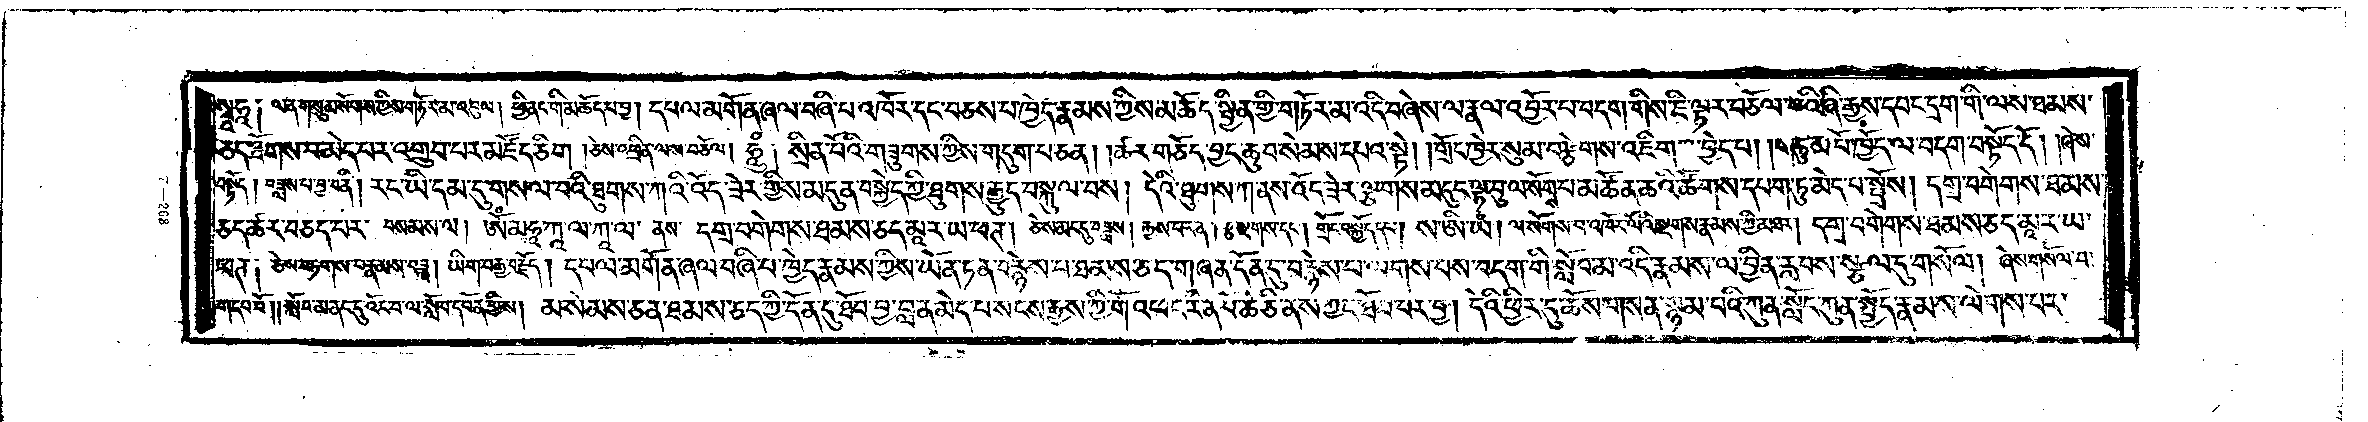སྭཱཧཱ། ལན་གསུམ་སོགས་ཀྱིས་གཏོར་མ་འབུལ། ཕྱི་ནང་གི་མཆོད་པ་བྱ།  དཔལ་མགོན་ཞལ་བཞི་པ་འཁོར་དང་བཅས་པ་ཁྱེད་རྣམས་ཀྱིས་མཆོད་སྦྱིན་གྱི་གཏོར་མ་འདི་བཞེས་ལ་རྣལ་འབྱོར་པ་བདག་གིས་ཇི་ལྟར་བཅོལ་བའི་ཞི་རྒྱས་དབང་དྲག་གི་ལས་ཐམས་
ཅད་ཐོགས་པ་མེད་པར་འགྲུབ་པར་མཛོད་ཅིག་།ཅེས་འཕྲིན་ལས་བཅོལ།  ཧཱུཾ་སྲིན་པོའི་གཟུགས་ཀྱིས་གདུག་པ་ཅན། །ཚར་གཅོད་བྱང་ཆུབ་སེམས་དཔའ་སྟེ། །གྲོང་ཁྱེར་སུམ་བརྟེགས་འཇིགས་པ་བྱེད་པ། །གཏུམ་པོ་ཁྱོད་ལ་བདག་བསྟོད་དོ། །ཞེས་
བསྟོད། བཟླས་པ་བྱ་བ་ནི། རང་ཡི་དམ་དུ་གསལ་བའི་ཐུགས་རྒྱུད་བསྐུལ་བས། དེའི་ཐུགས་ཀ་ནས་འོད་ཟེར་ལྕགས་མདུང་ལྟ་བུ་ལ་སོགས་པ་མཚོན་ཆའི་ཚོགས་དཔག་ཏུ་མེད་པ་སྤྲོས། དགྲ་བགེགས་ཐམས་
ཅད་ཚར་བཅད་པར་བསམས་ལ།  ཨོཾ་མྷཱ་ཀཱ་ལ་ཀཱ་ལ་ནས་དགྲ་བགེགས་ཐམས་ཅད་མཱ་ར་ཡ་ཕཊ། ཅེས་མང་དུ་བཟླས། རྒྱས་པར་ན། རྩ་སྔགས་དང་། གྲོང་བསྐྱོད་དང་།  ས་ཨི་ཡ྾། ལ་སོགས་པ་འཁོར་ལོའི་སྔགས་རྣམས་ཀྱི་མཐར།  དགྲ་བགེགས་ཐམས་ཅད་མ་ར་ཡ་
ཕཊ། ཅེས་བཏགས་པ་རྣམས་བཟླ། ཡིག་བརྒྱ་བརྗོད།  དཔལ་མགོན་ཞལ་བཞི་པ་ཁྱེད་རྣམས་ཀྱིས་ཡོན་ཏན་བརྙེས་པ་ཐམས་ཅད་གཞན་དོན་དུ་བྙེས་པ་ལགས་པས་བདག་གི་སློབ་མ་འདི་རྣམས་ལ་བྱིན་རླབས་སྩལ་དུ་གསོལ། ཞེས་གསོལ་བ་
གདབ་བོ། །སློབ་མ་ནང་དུ་འོང་བ་ལ་སློབ་དཔོན་གྱིས། མ་སེམས་ཅན་ཐམས་ཅད་ཀྱི་དོན་དུ་ཐོབ་བྱ་བླ་ན་མེད་པ་སངས་རྒྱས་ཀྱི་གོ་འཕང་རིན་པོ་ཆེ་ཅི་ནས་ཀྱང་ཐོབ་པར་བྱ། དེའི་ཕྱིར་དུ་ཆོས་གསན་སྙམ་པའི་ཀུན་སློང་ཀུན་སྤྱོད་རྣམས་ལེགས་པར་